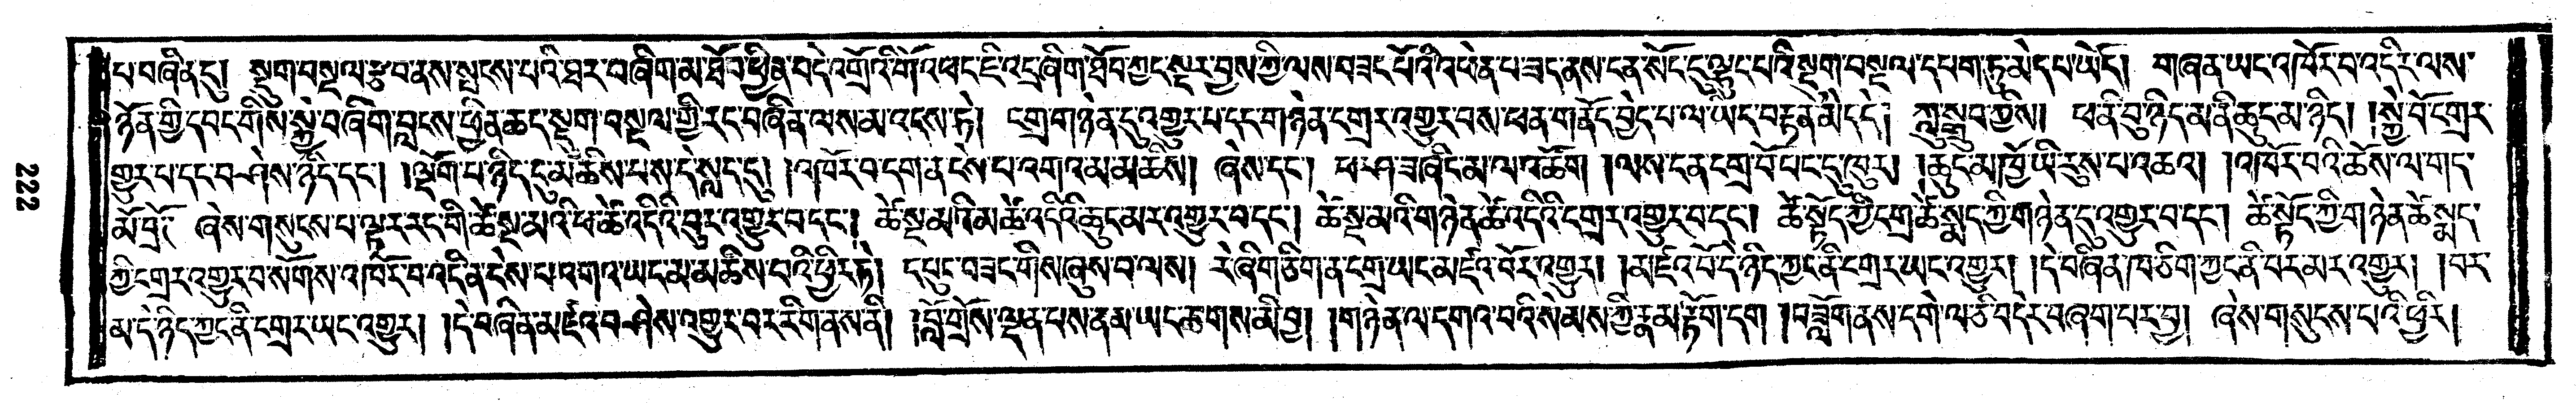པ་བཞིན་དུ། སྡུག་བསྔལ་རྩབ་ནས་སྤངས་པའི་ཐར་བཞིག་མ་ཐོབ་ཕྱིན་བདེ་འགྲོའི་གོ་འཕང་ཇི་འདྲ་ཞིག་ཐོབ་ཀྱང་སྔར་བྱས་ཀྱི་ལས་བཟང་པོའི་འཕེན་པ་ཟད་ནས་ངན་སོང་དུ་ལྷུང་པའི་སྡུག་བསྔལ་དཔག་ཏུ་མེད་པ་ཡོད། གཞན་ཡང་འཁོར་བ་འདིར་ལས་
ཉོན་གྱི་དབང་གིས་སྐྱེ་བ་ཞིག་བླངས་ཕྱིན་ཆད་སྡུག་བསྔལ་གྱི་རང་བཞིན་ལས་མ་འདས་ཏེ། དགྲ་གཉེན་དུ་འགྱུར་པ་དང་གཉེན་དགྲར་འགྱུར་བས་ཕན་གནོད་བྱེད་པ་ལ་ཡིད་བརྟན་མེད་དེ། ཀླུ་སྒྲུབ་ཀྱིས། ཕ་ནི་བུ་ཉིད་མ་ནི་ཆུང་མ་ཉིད། །སྐྱེ་བོ་དགྲར་
གྱུར་པ་དང་བཤེས་ཉིད་དང་། །ལྡོག་པ་ཉིད་དུ་མཆིས་པས་དེ་སླད་དུ། །འཁོར་བ་དག་ན་ངེས་པ་འགའ་མ་མཆིས། ཞེས་དང་། ཕ་ཤ་ཟ་ཞིང་མ་ལ་འཆོག །ལས་ངན་དགྲ་བོ་པང་དུ་ཁུར། །ཆུང་མཁྱོད་ཡི་རུས་པ་འཆའ། །འཁོར་བའི་ཆོས་ལ་གད་
མོ་བྲོ༑ ཞེས་གསུངས་པ་ལྟར་རང་གི་ཚེ་སྔ་མའི་ཕ་ཚེ་འདིའི་བུར་འགྱུར་བ་དང་། ཚེ་སྔ་མའི་མཚེ་འདིའི་ཆུང་མར་འགྱུར་བ་དང་། ཚེ་སྔ་མའི་གཉེན་ཚེ་འདིའི་དགྲར་འགྱུར་བ་དང་། ཚེ་སྟོད་ཀྱི་དགྲ་ཚེ་སྨད་ཀྱི་གཉེན་དུ་འགྱུར་བ་དང་། ཚེ་སྟོང་ཀྱི་གཉེན་ཚེ་སྨད་
ཀྱི་དགྲར་འགྱུར་བ་སོགས་འཁོར་བ་འདི་ན་ངེས་པ་འགའ་ཡང་མ་མཆིས་བའི་ཕྱིར་ཏེ། དཔུང་བཟང་གིས་ཞུས་བ་ལས། རེ་ཞིག་ཅིག་ན་དགྲ་ཡང་མཛའ་བོར་འགྱུར། །མཛའ་བོ་དེ་ཉིད་ཀྱང་ནི་དགྲར་ཡང་འགྱུར། །དེ་བཞིན་ཁ་ཅིག་ཀྱང་ནི་པར་མར་འགྱུར། །བར་
མ་དེ་ཉིད་ཀྱང་ནི་དགྲར་ཡང་འགྱུར། །དེ་བཞིན་མཛའ་བཤེས་འགྱུར་བར་རིག་ནས་ནི། །བློ་གྲོས་ལྡན་པས་ནམ་ཡང་ཆགས་མི་བྱ། །གཉེན་ལ་དགའ་བའི་སེམས་ཀྱི་རྣམ་རྟོག་དག །བཟློག་ནས་དགེ་ལ་ཅི་བདེར་བཞག་པར་བྱ། ཞེས་གསུངས་པའི་ཕྱིར།